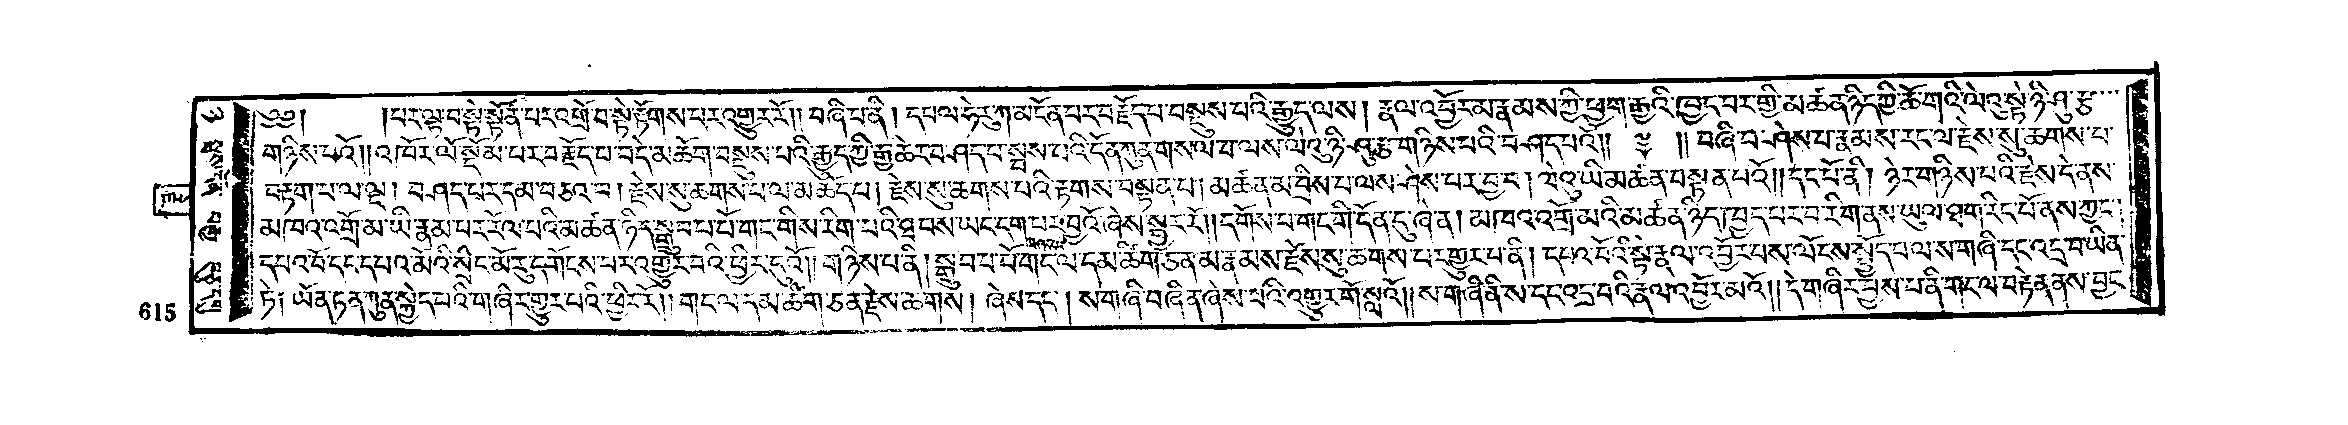༄༅། །པར་ལྟ་བ་སྟེ་སྟོན་པར་འགྲོ་བ་སྟེ་རྟོགས་པར་འགྱུར་རོ། །བཞི་པ་ནི། དཔལ་ཧེ་རུ་ཀ་མངོན་པར་བརྗོད་པ་བསྡུས་པའི་རྒྱུད་ལས། རྣལ་འབྱོར་མ་རྣམས་ཀྱི་ཕྱག་རྒྱའི་ཁྱད་པར་གྱི་མཚན་ཉིད་ཀྱི་ཆོ་གའི་ལེའུ་སྟེ་ཉི་ཤུ་རྩ་
གཉིས་པའོ། །འཁོར་ལོ་སྡོམ་པར་བརྗོད་པ་བདེ་མཆོག་བསྡུས་པའི་རྒྱུད་ཀྱི་རྒྱ་ཆེར་བཤད་པ་སྦས་པའི་དོན་ཀུན་གསལ་བ་ལས་ལེའུ་ཉི་ཤུ་རྩ་གཉིས་པའི་བཤད་པའོ།། ༈ །།བཞི་པ་ཤེས་པ་རྣམས་རང་ལ་རྗེས་སུ་ཆགས་པ་
བརྟག་པ་ལ་ལྔ། བཤད་པར་དམ་བཅའ་བ། རྗེས་སུ་ཆགས་པ་ལ་མཆོད་པ། རྗེས་སུ་ཆགས་པའི་རྟགས་བསྟན་པ། མཚན་མ་བྲིས་པ་ལས་ཤེས་པར་བྱ་བ། ལེའུ་ཡི་མཚན་བསྟན་པའོ། །དང་པོ་ནི། ཉེར་གཉིས་པའི་རྗེས་དེ་ནས་
མཁའ་འགྲོ་མ་ཡི་རྣམ་པར་རོལ་པའི་མཚན་ཉིད་སྒྲུབ་པ་པོ་གང་གིས་རིག་པའི་ཐབས་ཡང་དག་པར་བཤད་པར་བྱའོ་ཞེས་སྦྱར་རོ། །དགོས་པ་གང་གི་དོན་དུ་ཞེ་ན། མཁའ་འགྲོ་མའི་མཚན་ཉིད་ཁྱད་པར་བ་རིག་ནས་ཡུལ་ཐག་རིང་པོ་ནས་ཀྱང་།
དཔའ་བོ་དང་དཔའ་མོའི་སྲིང་མོ་རུ་དགོངས་པར་འགྱུར་བའི་ཕྱིར་དུའོ། །གཉིས་པ་ནི། སྒྲུབ་པ་པོ་གང་ལ་དམ་ཚིག་ཅན་མ་རྣམས་རྗེས་སུ་ཆགས་པར་གྱུར་པ་ནི། དཔའ་བོའི་སྟེ་རྣལ་འབྱོར་པས་ལོངས་སྤྱོད་པ་ལ་ས་གཞི་དང་འདྲ་བ་ཡིན་
ཏེ། ཡོན་ཏན་ཀུན་སྐྱེད་པའི་གཞིར་གྱུར་པའི་ཕྱིར་རོ། །གང་ལ་དམ་ཚིག་ཅན་རྗེས་ཆགས། ཞེས་དང་། ས་གཞི་བཞིན་ཞེས་པའི་འགྱུར་གོ་སླའོ། །ས་གཞི་ནི་ས་དང་འདྲ་བའི་རྣལ་འབྱོར་མའོ། །དེ་གཞིར་བྱས་པ་ནི་གང་ལ་བརྟེན་ནས་བྱང་